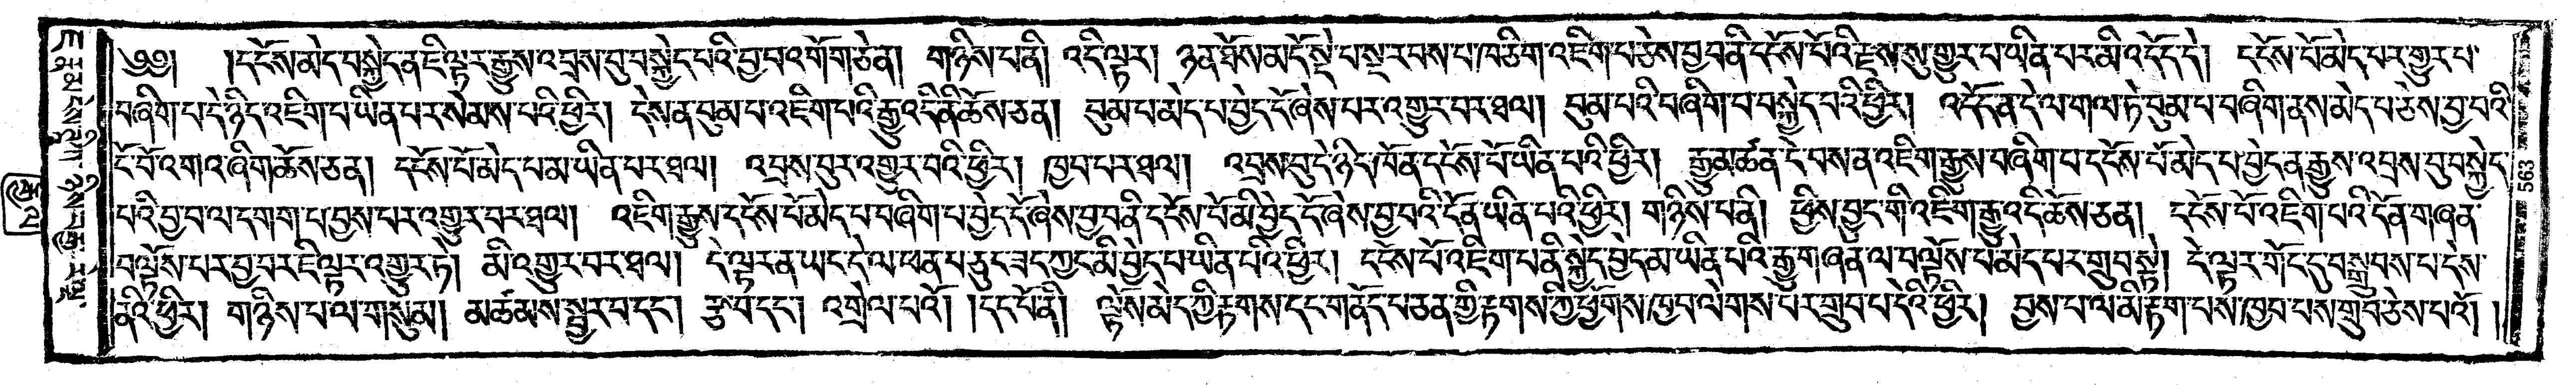༄༅། །དངོས་མེད་བསྐྱེད་ན་ཇི་ལྟར་རྒྱུས་འབྲས་བུ་བསྐྱེད་པའི་བྱ་བ་འགོག་ཅེ་ན། གཉིས་པ་ནི། འདི་ལྟར། ཉན་ཐོས་མདོ་སྡེ་པ་སྔ་རབས་པ་ཁ་ཅིག་འཇིག་པ་ཅེས་བྱ་བ་ནི་དངོས་པོའི་རྫས་སུ་གྱུར་པ་ཡིན་པར་མི་འདོད་དེ། དངོས་པོ་མེད་པར་གྱུར་པ་
བཞིག་པ་དེ་ཉིད་འཇིག་པ་ཡིན་པར་སེམས་པའི་ཕྱིར། དེས་ན་བུམ་པ་འཇིག་པའི་རྒྱུ་འདི་ནི་ཆོས་ཅན། བུམ་པ་མེད་པ་བྱེད་དོ་ཞེས་པར་འགྱུར་བར་ཐལ། བུམ་པའི་བཞིག་པ་བསྐྱེད་པའི་ཕྱིར། འདོད་ན་དེ་ལ་གལ་ཏེ་བུམ་པ་བཞིག་ནས་མེད་པ་ཅེས་བྱ་བའི་
ངོ་བོ་འགའ་ཞིག་ཆོས་ཅན། དངོས་པོ་མེད་པ་མ་ཡིན་པར་ཐལ། འབྲས་བུར་འགྱུར་བའི་ཕྱིར། ཁྱབ་པར་ཐལ། འབྲས་བུ་དེ་ཉིད་ཁོ་ན་དངོས་པོ་ཡིན་པའི་ཕྱིར། རྒྱུ་མཚན་དེ་བས་ན་འཇིག་རྒྱུས་བཞིག་པ་དངོས་པོ་མེད་པ་བྱེད་ན་རྒྱུས་འབྲས་བུ་བསྐྱེད་
པའི་བྱ་བ་ལ་དགག་པ་བྱས་པར་འགྱུར་བར་ཐལ། འཇིག་རྒྱུས་དངོས་པོ་མེད་པ་བཞིག་པ་བྱེད་དོ་ཞེས་བྱ་བ་ནི་དངོས་པོ་མི་བྱེད་དོ་ཞེས་བྱ་བའི་དོན་ཡིན་པའི་ཕྱིར། གཉིས་པ་ནི། ཕྱིས་བྱུང་གི་འཇིག་རྒྱུ་འདི་ཆོས་ཅན། དངོས་པོ་འཇིག་པའི་དོན་གཞན་
བལྟོས་པར་བྱ་བར་ཇི་ལྟར་འགྱུར་ཏེ། མི་འགྱུར་བར་ཐལ། དེ་ལྟར་ན་ཡང་དེ་ལ་ཕན་པ་ཅུང་ཟད་ཀྱང་མི་བྱེད་པ་ཡིན་པའི་ཕྱིར། དངོས་པོ་འཇིག་པ་ནི་སྐྱེད་བྱེད་མ་ཡིན་པའི་རྒྱུ་གཞན་ལ་བལྟོས་པ་མེད་པར་གྲུབ་སྟེ། དེ་ལྟར་གོང་དུ་བསྒྲུབས་པ་དེས་
ནའི་ཕྱིར། གཉིས་པ་ལ་གསུམ། མཚམས་སྦྱར་བ་དང་། རྩ་བ་དང་། འགྲེལ་པའོ། །དང་པོ་ནི། ལྟོས་མེད་ཀྱི་རྟགས་དང་གནོད་པ་ཅན་གྱི་རྟགས་ཀྱི་ཕྱོགས་ཁྱབ་ལེགས་པར་གྲུབ་པ་དེའི་ཕྱིར། བྱས་པ་ལ་མི་རྟག་པས་ཁྱབ་པས་གྲུབ་ཅེས་པའོ། །